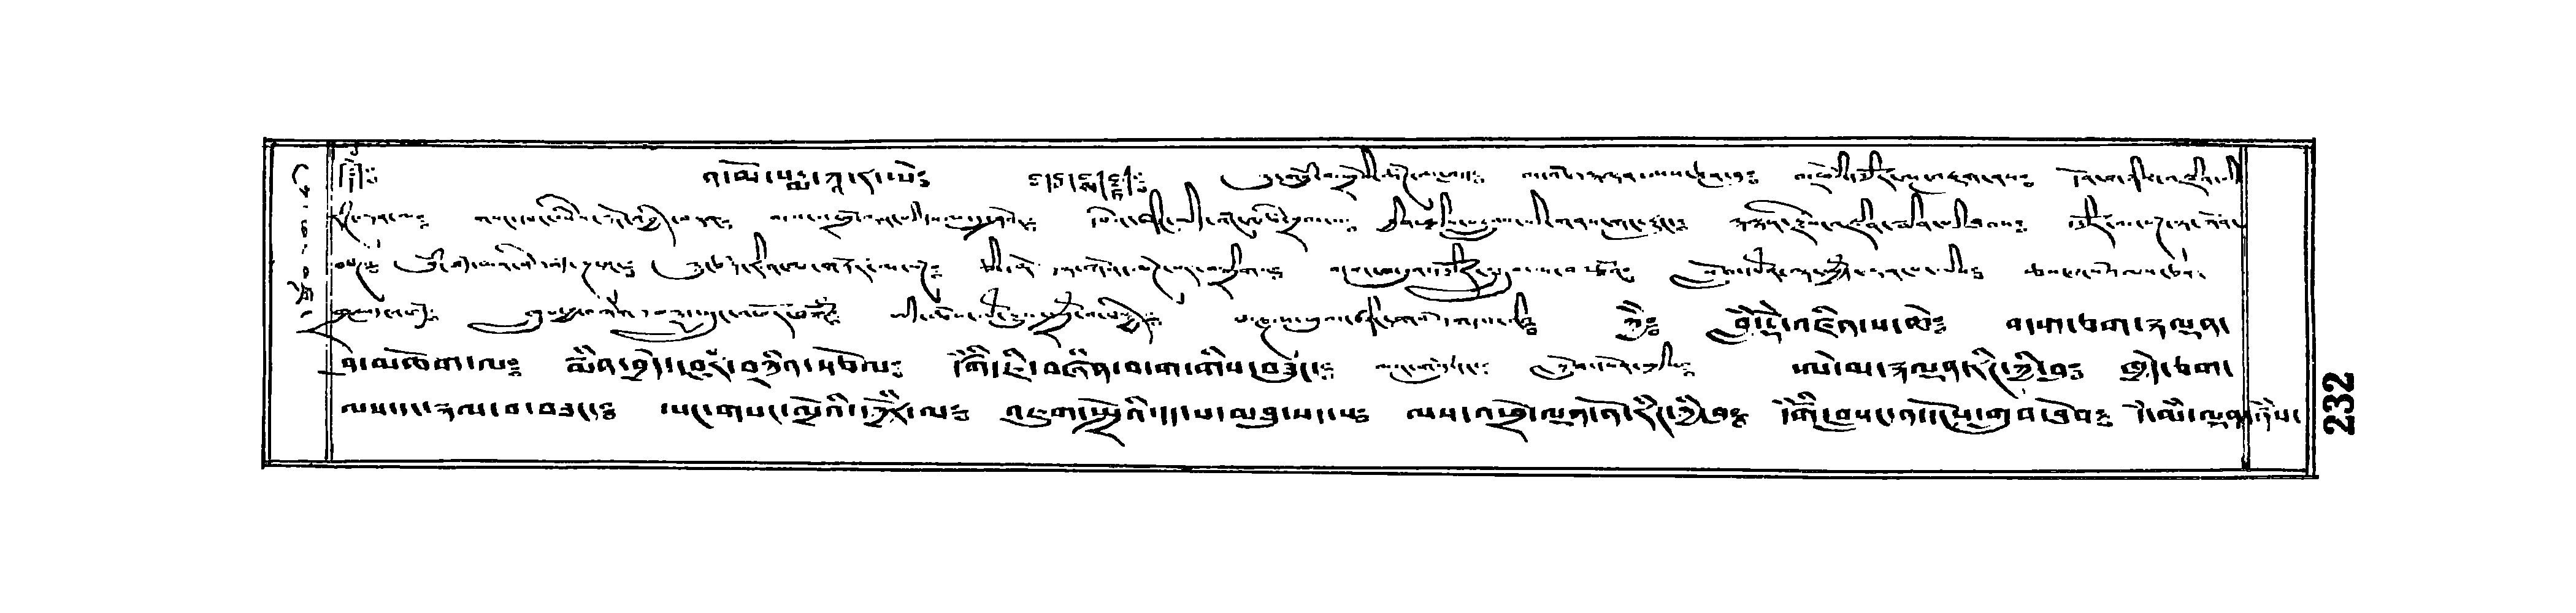ན་མོ་པདྨ་ཀཱར་ཡེ༔ སྐུ་གསུམ་མཁའ་འགྲོའི་ཚོགས་ལ་འདུད༔ མ་འོངས་སྐལ་ལྡན་ལས་ཅན་བུ༔ མཁའ་འགྲོའི་དཀྱིལ་འཁོར་ལ་འཇུག་ནས༔ དོན་གཉིས་འཛིན་པའི་
རིགས་ལྡན་ལ༔ གསང་དབང་ཡེ་ཤེས་སྒོ་འབྱེད་བསྟན༔ ལས་འཕྲོ་ལྡན་པའི་དཔལ་དུ་ཤོག༔ དབེན་ཞིང་ཡིད་འོང་འཚེ་བྲལ་པ༔ བྱིན་གྱིས་བརླབས་པའི་གནས་གང་རུང༔ སྐལ་ལྡན་རྗེས་འཛིན་སྨིན་པའི་ཐབས༔ དཀྱིལ་འཁོར་ལ་སོགས་
སྟ་གོན་བསགས༔ བུམ་ཐོད་མན་ཤེལ་འོད་ལྔ་དང༔ སྐུ་ཙཀ་རིག་མ་གཏོར་མ་སོགས༔ ཅི་དགོས་སྟ་གོན་ལེགས་པར་བསྒྲིགས༔ བདག་མདུན་དཀྱིལ་འཁོར་སྒྲུབ་ལ་བརྩོན༔ སློབ་དཔོན་ལྟ་སྤྱོད་ལྡན་པ་ཡིས༔ ཆས་གསོལ་ལས་ཅན་
གྲལ་དུ་འཁོད༔ ཁྲུས་བྱ་བགེགས་བསྐྲད་སྲུང་འཁོར་བསྒོམ༔ ཡིད་ཆེས་ལོ་རྒྱུས་སྤྲོ་བ་བསྐྱེད༔ མཎྜལ་ཕུལ་ཞིང་གསོལ་གདབ་ནི༔ ཀྱཻ༔ བླ་མ་རྡོ་རྗེ་འཛིན་པ་ཆེ༔ བདག་ཅག་སྐལ་ལྡན་
བུ་མཆོག་ལ༔ སྨིན་བྱེད་དབང་བསྐུར་བཀའ་དྲིན་སྩོལ༔ དམ་ཚིག་ཇི་བཞིན་བདག་གིས་བཟུང༔ ལན་གསུམ་དང༔ སློབ་དཔོན་གྱིས༔ ཨེ་མ་སྐལ་ལྡན་རིགས་ཀྱི་བུ༔ ཁྱེད་ཅག་
ལས་དང་སྐལ་བ་བཟང༔ ཡང་གསང་མཁའ་འགྲོའི་དཀྱིལ་འཁོར་ལ༔ འཇུག་སྤྲོའི་དད་པ་མཐུ་སད་པ༔ ལས་འཕྲོ་ལྡན་ནོ་རིགས་ཀྱི་བུ༔ དམ་ཚིག་བསྲུང་ན་དངོས་གྲུབ་ཐོབ༔ དམ་མི་ལྡན་རྣམས་